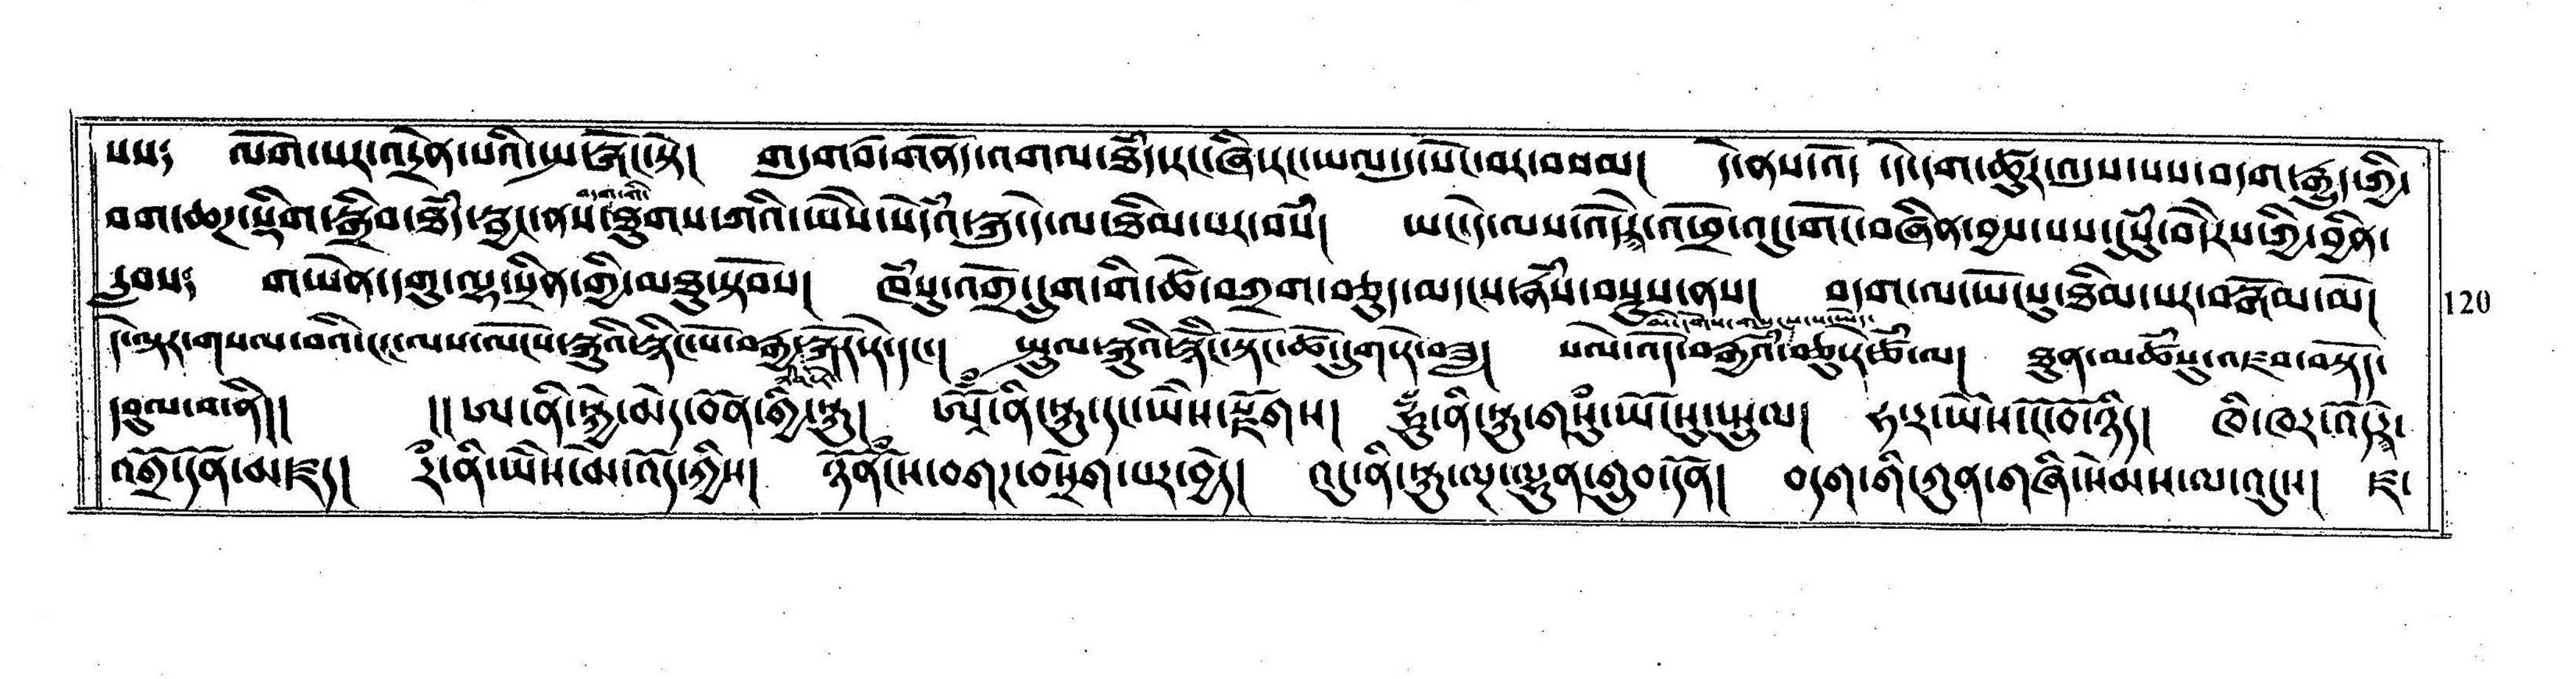པས། ལོག་པར་འདྲེན་པའི་སྤ་སྐོང་སྟེ། གདུག་རྩུབ་གནོད་འགལ་ཐམས་ཅད་རང་ཞི་རང་ཡལ་དུ་སོང་བར་བསམ། དེ་ནས་འོད་དེ་དག་ཚུར་འདུས་པས་བདག་རྒྱུད་ཀྱི་
བག་ཆགས་སྡིག་སྒྲིབ་ཐམས་ཅད་སྦྱང་ནས་བདག་གི་ཐུགས་ཀའི་ཡེ་ཤེས་སེམས་དཔའ་སྐུ་དེ་ལ་ཐིམ་པར་བསམ། ཡང་དེ་ལས་འོད་ཟེར་འཕྲོ་འདུ་གོང་བཞིན་བྱས་པས་དུས་གསུམ་བདེར་གཤེགས་ཀྱི་བྱིན་
རླབས། གཡེན་དགུ་ལྷ་སྲིན་གྱི་མཐུ་སྟོབས། ཁམས་གསུམ་འགྲོ་དྲུག་གི་ཚེ་བཀྲག་བཅུད་མདངས་རྣམས་བསྡུས་ནས། བདག་ལ་ཡོངས་སུ་ཐིམ་པར་བསྒོམ་མོ། 
དེ་ལྟར་གསལ་བའི་ངང་ལས་ལོངས་སྐུའི་སྙིང་པོ་བརྒྱ་༼ཉིན་རེ་༽སྐོར་རེ་དང་། སྤྲུལ་སྐུའི་སྙིང་པོ་སྟོང་ཚོ་དྲུག་རེ་བཟླ། སལེ་འོད་བརྒྱའམ་༼མི་དགོས་གསུངས་པ་ཡོད་༽བཅུ་རེ་ཙམ་ལ། ཐུན་མཚམས་སུ་འཛབ་བསྟོད་
དབུལ་བ་ནི།། །།ཨ་ནི་སྐྱེ་མེད་བོན་གྱི་སྐུ། ཨཱོཾ་ནི་སྐུ་དང་ཡེ་ཤེས་རྫོགས། ཧཱུྃ་ནི་སྐུ་གསུམ་ཡོངས་སུ་སྤྲུལ། ཧ་ར་ཡེ་ཤེས་ངོ་བོ་ཉིད། ཁི་ཁར་འོད་ཟེར་
འགྲོ་དོན་མཛད། རཾ་ནི་ཡེ་ཤེས་མེ་འོད་ཀྱིས། ཉོན་མོངས་བག་ཆགས་བསྲེག་པར་བྱེད། འདུ་ནི་སྐུ་ལྔ་ལྷུན་གྲུབ་དོན། བདག་གི་ཀུན་གཞི་སེམས་ལ་འདུས། ཛ་